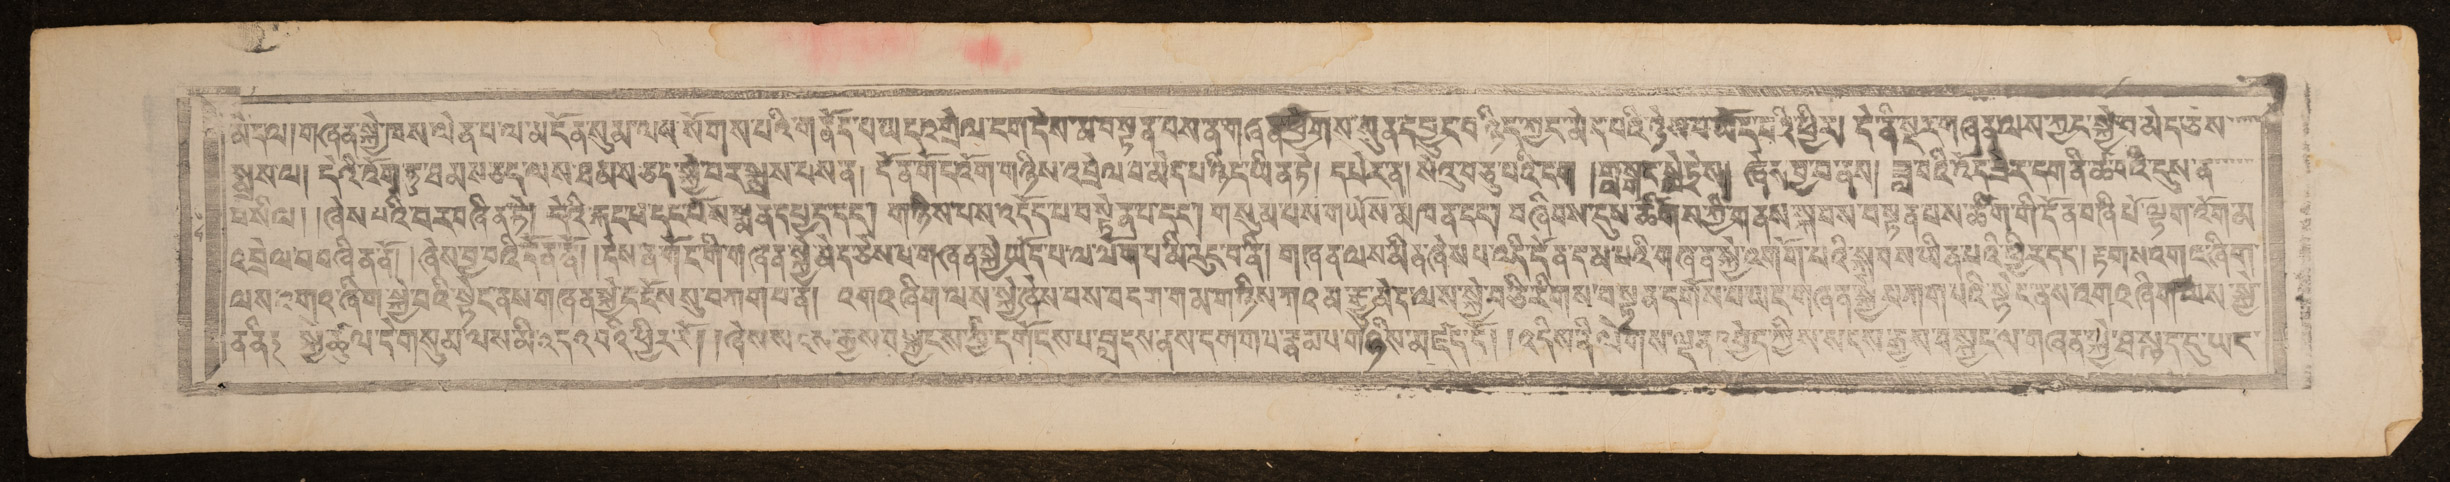མེད་ལ། གཞན་སྐྱེ་ཁས་ལེན་པ་ལ་མངོན་སུམ་ལས་སོགས་པའི་གནོད་པ་ཡང་འགྲེལ་ངག་དེས་མ་བསྟན་པས་ན་གཞན་ཕྱོགས་སུན་དཔྱུང་བ་ཉིད་ཀྱང་མེད་པའི་ཉེས་པ་ཡོད་པའི་ཕྱིར། དེ་ནི་སྔར་གཞན་ལས་ཀྱང་སྐྱེ་བ་མེད་ཅེས་
སྨྲས་ལ། དེའི་འོག་ཏུ་ཐམས་ཅད་ལས་ཐམས་ཅད་སྐྱེ་བར་སྨྲས་པས་ན། དོན་གོང་འོག་གཉིས་འབྲེལ་བ་མེད་པ་ཉིད་ཡིན་ཏེ། དཔེར་ན། སེའུ་བཅུ་པའི་ངག །གླ་སྒང་སླེ་ཏྲེས། ཞེས་བྱ་བ་ནས། ཟླ་བའི་འོད་ཟེར་དག་ནི་ཚ་བའི་དུས་ན་
བསིལ། །ཞེས་པའི་བར་བཞིན་ཏེ། དེའི་རྐང་པ་དང་པོས་སྨན་དཔྱད་དང་། གཉིས་པས་འདོད་པ་བསྟེན་པ་དང་། གསུམ་པས་གཡོས་མཁན་དང་། བཞི་པས་དུས་ཚིགས་ཀྱི་གནས་སྐབས་བསྟན་པས་ཚིག་གི་དོན་བཞི་པོ་ལྟག་འོག་མ་
འབྲེལ་བ་བཞིན་ནོ། །ཞེས་བྱ་བའི་དོན་ནོ། །དེས་ན་གོང་གི་གཞན་སྐྱེ་མེད་ཅེས་པ་གཞན་སྐྱེ་ཡོད་པ་ལ་ལོག་པ་མི་རུང་བ་ནི། གཞན་ལས་མིན་ཞེས་པ་འདི་དོན་དམ་པའི་གཞན་སྐྱེ་འགོག་པའི་སྐབས་ཡིན་པའི་ཕྱིར་དང་། རྟགས་འགའ་ཞིག་
ལས་འགའ་ཞིག་སྐྱེ་བའི་སྟེང་ནས་གཞན་སྐྱེ་དངོས་སུ་བཀག་པ་ན། འགའ་ཞིག་ལས་སྐྱེ་ཞེས་པས་བདག་གམ་གཉིས་ཀའམ་རྒྱུ་མེད་ལས་སྐྱེ་བ་ཅི་རིགས་བསྟན་དགོས་པ་ཡང་གཞན་སྐྱེ་བཀག་པའི་སྟེང་ནས་འགའ་ཞིག་ལས་སྐྱེ་
ན་ནི། སྐྱེ་ཚུལ་དེ་གསུམ་ལས་མི་འདའ་བའི་ཕྱིར་རོ། །ཞེས་སངས་རྒྱས་བསྐྱངས་ཀྱི་དགོངས་པ་བླངས་ནས་དགག་པ་རྣམ་པ་གཉིས་མཛད་དོ། །འདིས་ནི་ལེགས་ལྡན་འབྱེད་ཀྱིས་སངས་རྒྱས་བསྐྱངས་གཞན་སྐྱེ་ཐ་སྙད་དུ་ཡང་